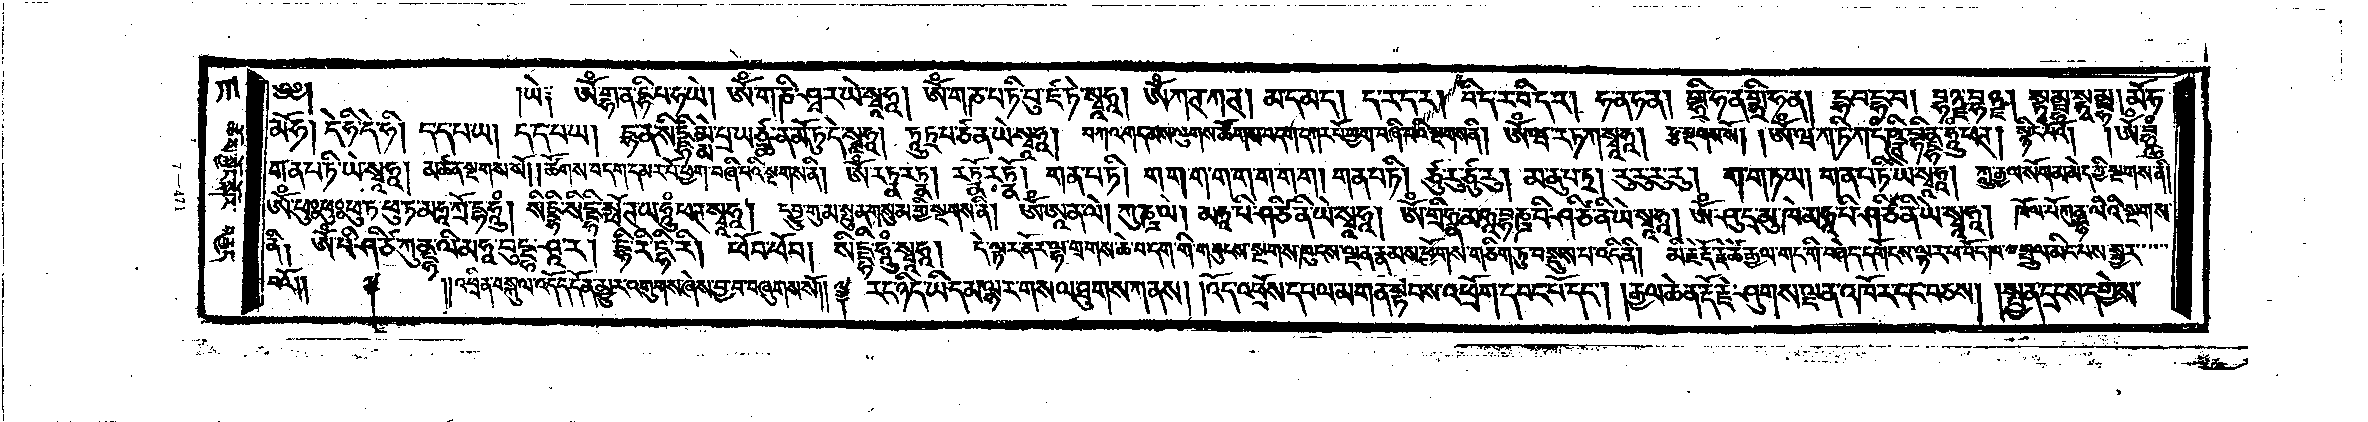༄༅། །ཡེ༑ ཨོཾ་གྷ་ན་དྷི་པ་ཧ་ཡེ། ཨོཾ་ག་ཎི་ཤྭ་ར་ཡེ་སྭཱཧཱ། ཨོཾ་གཎ་པ་ཏི་པུ་ཛ་ཏེ་སྭཱཧཱ། ཨོཾ་ཀ་ཊ་ཀ་ཊ། མ་ད་མ་ད། ད་ར་ད་ར། བི་ད་ར་བི་ད་ར། ཧ་ན་ཧ་ན། གྷྲི་ཧ་ན་ཊྒྷྲི་ཧ་ན། དྷ་བ་དྷ་བ། བྷ་ཉྫ་བྷཉྫ། སཏྭམྦྷ་སྟྭམྦྷ། མོ་ཧ་
མོ་ཧ། དེ་ཧི་དེ་ཧི། ད་ད་པ་ཡ། ད་ད་པ་ཡ། དྷ་ན་སིདྡྷི་མྨེ་པྲ་ཡཙྪ་ན་མོ་ཏུ་དེ་སྭཱཧཱ། ཏཱུཏྲ་པ་ཙ་ན་ཡེ་སྭཱཧཱ། བཀའ་གདམས་ལུགས་ཚོགས་བདག་དཀར་པོ་ཕྱག་བཞི་པའི་སྔགས་ནི།  ཨོཾ་ཝ་ར་ཏ་ཀ་སྭཱཧཱ། རྩ་སྔགས་སོ།  ཨོཾ་ཝ་ཀ་ཏི་ཀ་དཾ?་ཥྚི་གྷིནྡྷ་ཧཱུཾ་ཕཊ། སྙིང་པོའོ།  །ཨོཾ་བྷཱུཾ་
ག་ན་པ་ཏི་ཡེ་སྭཱཧཱ། མཚན་སྔགས་སོ། །ཚོགས་བདག་དམར་པོ་ཕྱག་བཞི་པའི་སྔགས་ནི།  ཨོཾ་རཏྣ་རཏྣ། རཏྣོ་རཏྣོ། གན་པ་ཏི། ག་ག་ག་ག་ག་ག་ག་ག། གན་པ་ཏི། ཙུ་རུ་ཙུ་རུ། མ་ནུ་པ་ཏྲ། རུ་རུ་རུ་རུ། ག་ག་ཏ་ཡ། གན་པ་ཏི་ཡེ་སྭཱཧཱ། ཀླུ་རྒྱལ་སོགས་མེད་ཀྱི་སྤགས་ནི།
ཨོཾ་ཕུཿཕུཿཕུ་ཏ་ཕུ་ཏ་མཧཱ་ཀྲོ་དྷ་ཧཱུཾ། སིདྡྷི་སིདྡྷི་སྥོ་ཊ་ཡ་ཧཱུཾ་ཕཊ་སྭཱཧཱ། དབྱུ་གུ་མ་སྤུན་གསུམ་གྱི་སྔགས་ནི།  ཨོཾ་ཨཱ་ན་ལེ། ཀུཎྜ་ལེ། མཧཱ་པི་ཤ་ཙི་ནི་ཡེ་སྭཱཧཱ། ཨོཾ་གྲིཧྣ་མཧཱ་བྷཎྜ་བི་ཤ་ཙི་ནི་ཡེ་སྭཱཧཱ། ཨོཾ་ཤུདྲ་མུ་ཁེ་མཧཱ་པི་ཤ་ཙི་ནི་ཡེ་སྭཱཧཱ། ཁོལ་པོ་ཀུནྷ་ལིའི་སྔགས་
ནི༑ ཨོཾ་པི་ཤི་ཙ་ཀུནྡྷ་ལི་མ་ཧཱ་པུདྡྷ་ཤཱ་ར། དྷི་རི་དྷི་རི། ཕོ་བ་ཕོ་བ། སིདྡྷི་ཧཱུཾ་སྭཱཧཱ། དེ་ལྟར་ནར་ལྷ་གྲགས་ཆེ་བ་དག་གི་གཟུངས་སྔགས་ཁུངས་ལྡན་རྣམས་ཕྱོགས་གཅིག་ཏུ་བསྡུས་པ་འདི་ནི། མི་རྗེ་རྡོ་རྗེ་ཚེ་རྒྱལ་གང་གི་བཞེད་དགོངས་ལྟར་ཕ་བོང་ཁ་སྤྲུལ་མིང་པས་སྦྱར་
བའོ།། ༈ །།འཕྲིན་བསྐུལ་འདོད་དོན་མྱུར་འགུགས་ཞེས་བྱ་བ་བཞུགས་སོ།།  ༈ རང་ཉིད་ཡི་དམ་ལྷར་གསལ་ཐུགས་ཀ་ནས། །འོད་འཕྲོས་དཔལ་མགོན་སྟོབས་འཕྲོག་དབང་པོ་དང་། །རྒྱལ་ཆེན་རྡོ་རྗེ་ཤུགས་ལྡན་འཁོར་དང་བཅས། །སྤྱན་དྲངས་དགྱེས་